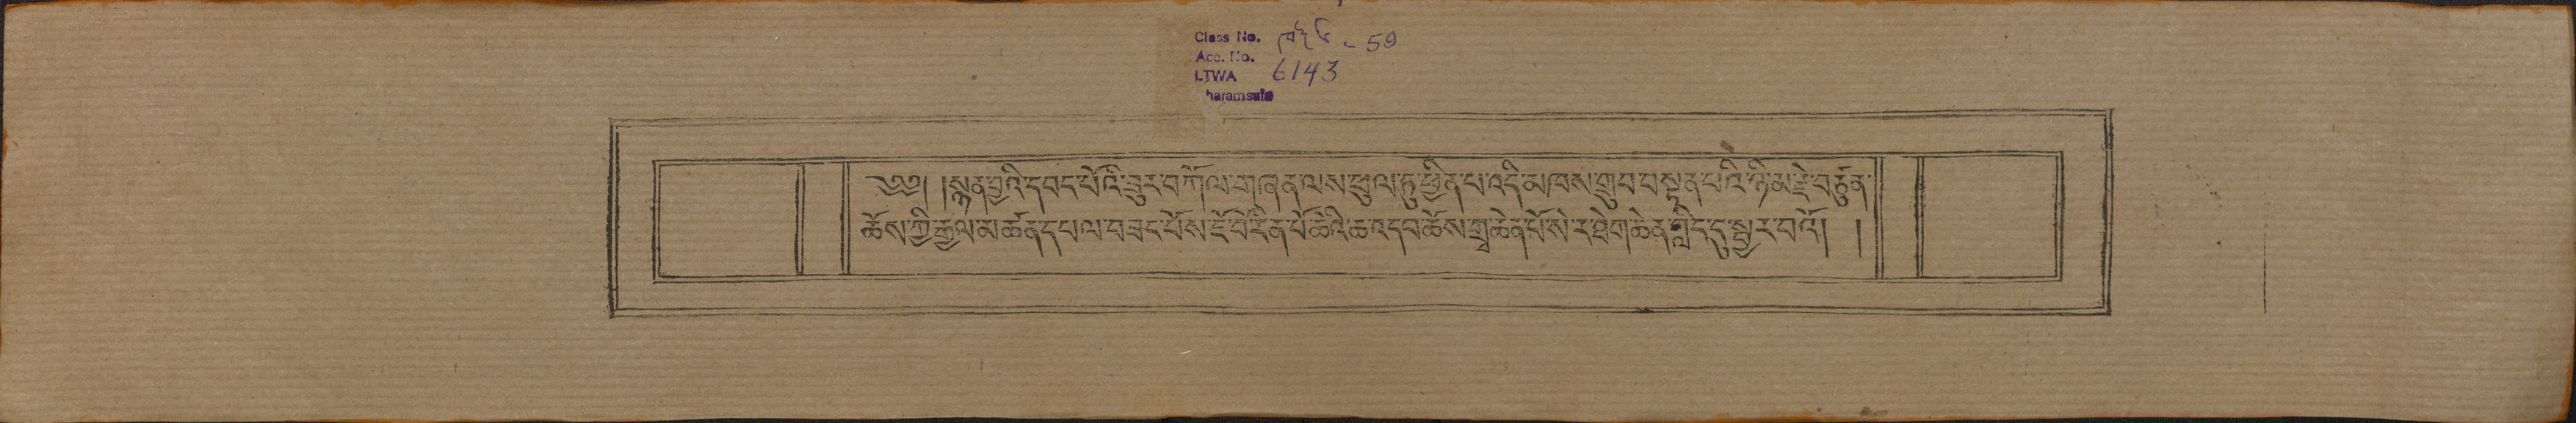༄༅། །མཉན་བྱའི་དབང་པོའི་ཟུར་བཀོལ་གཞན་ལས་ཕུལ་ཏུ་ཕྱིན་པ་འདི་མཁས་གྲུབ་བསྟན་པའི་ཉི་མ་རྗེ་བཙུན་
ཆོས་ཀྱི་རྒྱལ་མཚན་དཔལ་བཟང་པོས་ཇོ་བོ་རིན་པོ་ཆེའི་ཆ་འདབ་ཆོས་གྲྭ་ཆེན་པོ་སེ་ར་ཐེག་ཆེན་གླིང་དུ་སྦྱར་བའོ། །